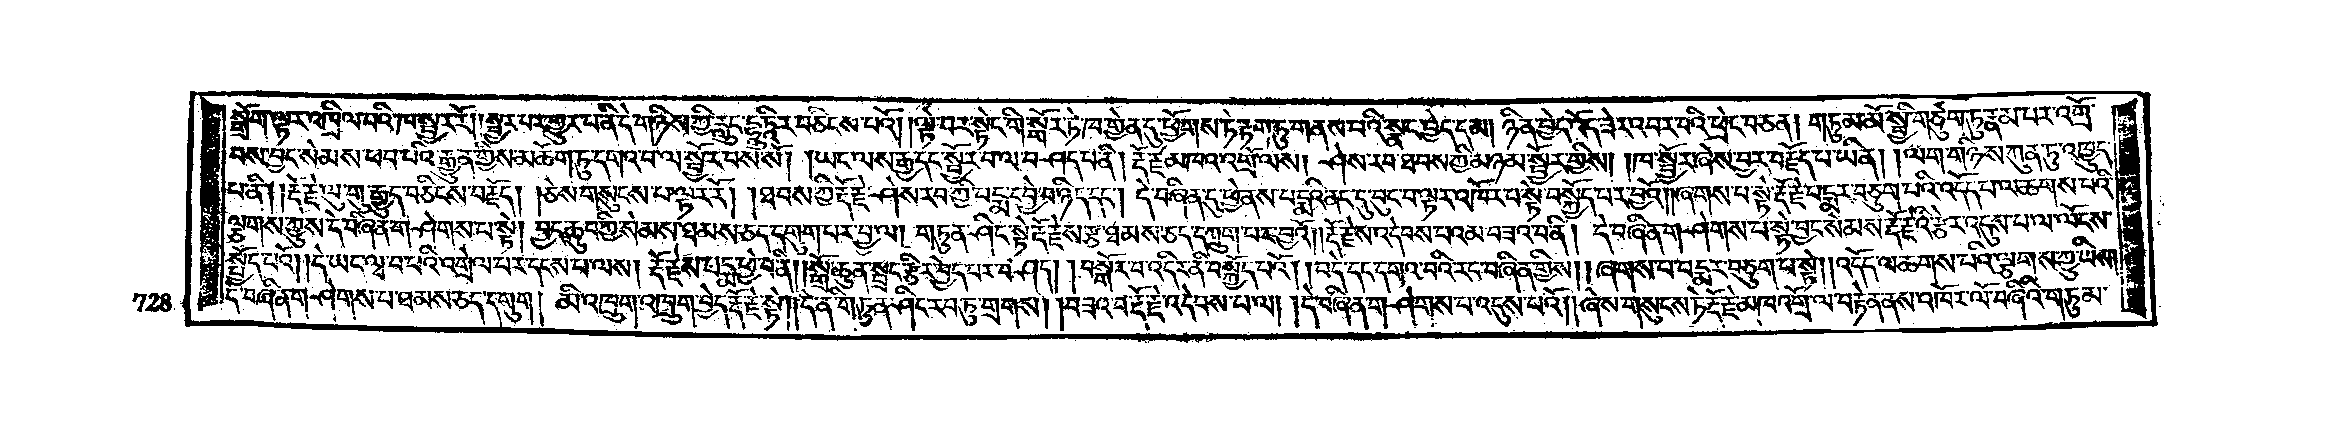སྒྲོག་ལྟར་འཁྲིལ་བའི་ཁ་སྦྱར་རོ། །སྦྱར་པར་གྱུར་པ་ནི་དེ་གཉིས་ཀྱི་རླུང་དྷཱུ་ཏཱིར་བཅིངས་པའོ། །ལྟེ་བར་སྟེང་གི་སྒོར་ཏེ་ཁ་གྱེན་དུ་ཕྱོགས་ཏེ་རྟག་ཏུ་གནས་པའི་སྣང་བྱེད་དམ། ཉིན་བྱེད་འོད་ཟེར་འབར་བའི་ཕྲེང་བ་ཅན། གཏུམ་མོ་སྤྱི་གཙུག་ཏུ་རྣམ་པར་འགྲོ་
བས་བྱང་སེམས་ཕབ་པའི་རྒྱུན་གྱིས་མཆོག་ཏུ་དགའ་བ་ལ་སྦྱོར་བས་སོ། །ཡང་ལས་རྒྱ་དང་སྦྱོར་བ་ལ་བཤད་པ་ནི། རྡོ་རྗེ་མཁའ་འགྲོ་ལས། ཤེས་རབ་ཐབས་ཀྱི་མཉམ་སྦྱོར་གྱིས། །ཁ་སྦྱོར་ཞེས་བྱར་བརྗོད་པ་ཡིན། །ལག་གཉིས་ཀུན་ཏུ་འཁྱུད་
པ་ནི། །རྡོ་རྗེ་ལུ་གུ་རྒྱུད་བཅིངས་བརྗོད། །ཅེས་གསུངས་པ་ལྟར་རོ། །ཐབས་ཀྱི་རྡོ་རྗེ་ཤེས་རབ་ཀྱི་པདམ་དབྱེ་བ་ཉིད་དང་། དེ་བཞིན་དུ་ཕྱེ་ནས་པདམའི་ནང་དུ་བུང་བ་ལྟར་འཁོར་བ་སྟེ་བསྐྱོད་པར་བྱའོ། །ཞགས་པ་སྟེ་རྡོ་རྗེ་པདམར་བཅུག་པའི་འདོད་པ་ལ་ཆགས་པའི་
ལྕགས་ཀྱུས་དེ་བཞིན་གཤེགས་པ་སྟེ། བྱང་ཆུབ་ཀྱི་སེམས་ཐམས་ཅད་དགུག་པར་བྱ་ལ། གཏུན་ཤིང་སྟེ་རྡོ་རྗེས་རྩ་ཐམས་ཅད་དཀྲུག་པར་བྱའོ། །རྡོ་རྗེས་འདེབས་པའམ་བཟའ་བ་ནི། དེ་བཞིན་གཤེགས་པ་སྟེ་བྱང་སེམས་རྡོ་རྗེའི་རྩེར་འདུས་པ་ལ་ལོངས་
སྤྱོད་པའོ། །དེ་ཡང་ལྭ་བ་པའི་འགྲེལ་པར་དྲངས་པ་ལས། རྡོ་རྗེས་པདམ་ཕྱེ་བ་ནི། །སྒྲོ་ཆུན་སྦྲང་རྩིར་བྱེད་པར་བཤད། །བསྒོར་བ་འདིར་ནི་བསྐྱོད་པའོ། །བདེ་དང་དགའ་བའི་རང་བཞིན་གྱིས། །ཞགས་པ་པདམར་བཅུག་པ་སྟེ། །འདོད་ལ་ཆགས་པའི་ལྕགས་ཀྱུ་ཡིས།
དེ་བཞིན་གཤེགས་པ་ཐམས་ཅད་དགུག །མི་འཁྲུག་འཁྲུག་བྱེད་རྡོ་རྗེ་སྟེ། །དེ་ནི་གཏུན་ཤིང་རབ་ཏུ་གྲགས། །བཟའ་བ་རྡོ་རྗེ་འདེབས་པ་ལ། ཧ།དེ་བཞིན་གཤེགས་པ་འདུས་པའོ། །ཞེས་གསུངས་ཏེ་རྡོ་རྗེ་མཁའ་འགྲོ་ལ་བརྟེན་ནས་འཁོར་ལོ་བཞིའི་གཏུམ་